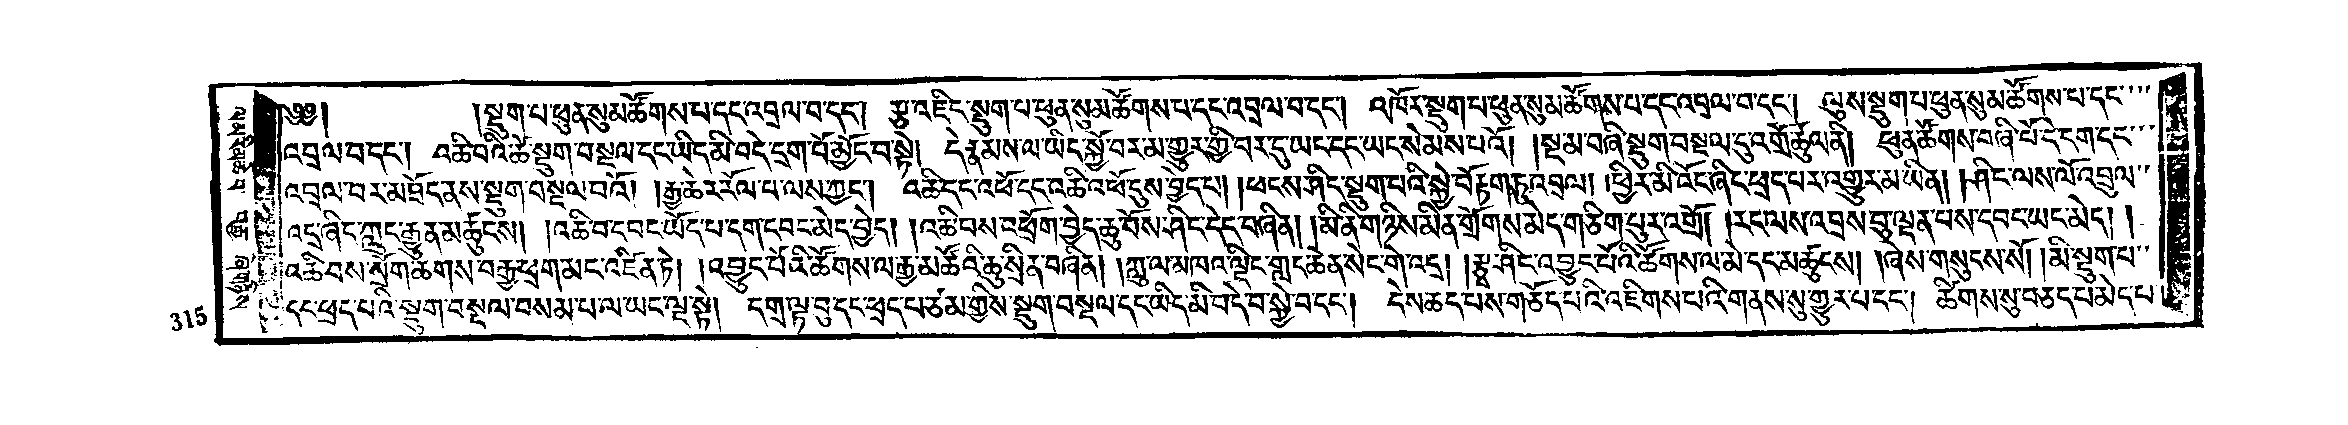༄༅། །སྡུག་པ་ཕུན་སུམ་ཚོགས་པ་དང་འབྲལ་བ་དང་། རྩ་འཇིང་སྡུག་པ་ཕུན་སུམ་ཚོགས་པ་དང་འབྲལ་བ་དང་། འཁོར་སྡུག་པ་ཕུན་སུམ་ཚོགས་པ་དང་འབྲལ་བ་དང་། ལུས་སྡུག་པ་ཕུན་སུམ་ཚོགས་པ་དང་
འབྲལ་བ་དང་། འཆི་བའི་ཚེ་སྡུག་བསྔལ་དང་ཡིད་མི་བདེ་དྲག་པོ་མྱོང་བ་སྟེ། དེ་རྣམས་ལ་ཡིད་སྐྱོ་བར་མ་གྱུར་གྱི་བར་དུ་ཡང་དང་ཡང་སེམས་པའོ། །སྔ་མ་བཞི་སྡུག་བསྔལ་དུ་འགྲོ་ཚུལ་ནི། ཕུན་ཚོགས་བཞི་པོ་དེ་དག་དང་
འབྲལ་བར་མཐོང་ནས་སྡུག་བསྔལ་བའོ། །རྒྱ་ཆེར་རོལ་པ་ལས་ཀྱང་། འཆི་དང་འཕོ་དང་འཆི་འཕོ་དུས་བྱེད་པ། །ཕངས་ཤིང་སྡུག་པའི་སྐྱེ་བོ་རྟག་ཏུ་འབྲལ། །ཕྱིར་མི་འོང་ཞིང་ཕྲད་པར་འགྱུར་མ་ཡིན། །ཤིང་ལས་ལོ་འབྲུལ་
འདྲ་ཞིང་ཀླུང་རྒྱུན་མཚུངས། །འཆི་བ་དབང་ཡོད་པ་དག་དབང་མེད་བྱེད། །འཆི་བས་འཕྲོག་བྱེད་ཆུ་བོས་ཤིང་དེད་བཞིན། །མི་ནི་གཉིས་མིན་གྲོགས་མེད་གཅིག་པུར་འགྲོ། །རང་ལས་འབྲས་བུ་ལྡན་པས་དབང་ཡང་མེད། །
འཆི་བས་སྲོག་ཆགས་བརྒྱ་ཕྲག་མང་འཛིན་ཏེ། །འབྱུང་པོའི་ཚོགས་ལ་རྒྱ་མཚོའི་ཆུ་སྲིན་བཞིན། །ཀླུ་ལ་མཁའ་ལྡིང་གླང་ཆེན་སེང་གེ་འདྲ། །རྩྭ་ཤིང་འབྱུང་པོའི་ཚོགས་ལ་མེ་དང་མཚུངས། །ཞེས་གསུངས་སོ། །མི་སྡུག་པ་
དང་ཕྲད་པའི་སྡུག་བསྔལ་བསམ་པ་ལ་ཡང་ལྔ་སྟེ། དགྲ་ལྟ་བུ་དང་ཕྲད་པ་ཙམ་གྱིས་སྡུག་བསྔལ་དང་ཡིད་མི་བདེ་བ་སྐྱེ་བ་དང་། དེས་ཆད་པས་གཅོད་པའི་འཇིགས་པའི་གནས་སུ་གྱུར་པ་དང་། ཚིགས་སུ་བཅད་པ་མེད་པ་